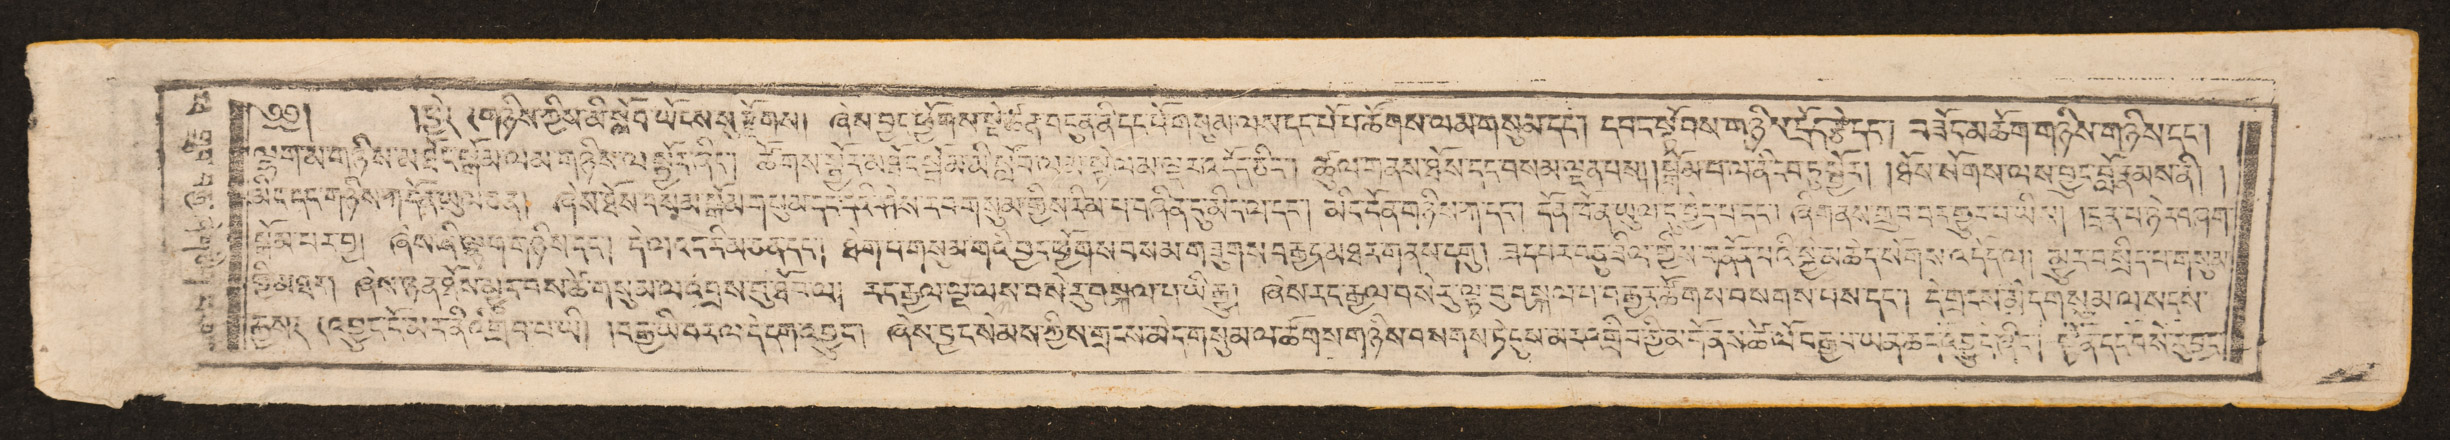༄༅། །ཕྱེ༑ ༑གཉིས་ཀྱིས་མི་སློབ་ཡོངས་སུ་རྫོགས། ཞེས་བྱང་ཕྱོགས་སྡེ་ཚན་བདུན་ནི་དང་པོ་གསུམ་ལས་དང་པོ་པ་ཚོགས་ལམ་གསུམ་དང་། དབང་སྟོབས་གཉིས་དྲོད་རྩེ་དང་། བཟོད་མཆོག་གཉིས་གཉིས་དང་།
ལྷག་མ་གཉིས་མཐོང་སྒོམ་ལམ་གཉིས་ལ་སྦྱོར་ཞིང་། ཚོགས་སྦྱོར་མཐོང་སྒོམ་མི་སློབ་ལམ་སྟེ་ལམ་ལྔར་འདོད་ཅིང་། ཚུལ་གནས་ཐོས་དང་བསམ་ལྡན་པས། །སྒོམ་པ་ལ་ནི་རབ་ཏུ་སྦྱོར། །ཐོས་སོགས་ལས་བྱུང་བློ་རྣམས་ནི། །
མིང་དང་གཉིས་ཀ་དོན་ཡུལ་ཅན། ཞེས་ཐོས་བསམ་སྒོམ་གསུམ་དང་དེའི་ཤེས་རབ་གསུམ་གྱིས་རིམ་པ་བཞིན་དུ་མིང་ལ་དང་། མིང་དོན་གཉིས་ཀ་དང་། དོན་ཁོ་ན་ཡུལ་དུ་བྱེད་པ་དང་། ཞི་གནས་གྲུབ་བར་གྱུར་པ་ཡིས། །དྲན་པ་ཉེར་བཞག་
སྒོམ་པར་བྱ། ཞེས་ཞི་ལྷག་གཉིས་དང་། དེ་ལའང་རིམ་ཅན་དང་། ཐེག་པ་གསུམ་གའི་བྱང་ཕྱོགས་བསམ་གཟུགས་བརྒྱད་མཐར་གནས་དགུ། ཟད་པར་བཅུ་ཟིལ་གྱིས་གནོན་པའི་སྐྱེ་མཆེད་སོགས་འདོད་ལ། མྱུར་བ་སྲིད་པ་གསུམ་
གྱི་མཐར། ཞེས་ཉན་ཐོས་མྱུར་བས་ཚེ་གསུམ་ལ་འབྲས་བུ་ཐོབ་ལ། རང་རྒྱལ་ལྔ་ལས་བསེ་རུ་བསྐལ་པ་ཡི་རྒྱུ། ཞེས་རང་རྒྱལ་བསེ་རུ་ལྟ་བུ་བསྐལ་པ་བརྒྱར་ཚོགས་བསགས་པས་དང་། དེ་གྲངས་མེད་གསུམ་ལ་སངས་
རྒྱས༑ ༑འབྱུང་ངོ་མར་ནི་འགྲིབ་པ་ཡི། །བརྒྱ་ཡི་བར་ལ་དེ་དག་འབྱུང་། ཞེས་བྱང་སེམས་ཀྱིས་གྲངས་མེད་གསུམ་ལ་ཚོགས་གཉིས་བསགས་ཏེ་དུས་མར་འགྲིབ་ཀྱི་མགོ་ནས་ཚེ་ལོ་བརྒྱ་ལ་ཡན་ཆད་འབྱུང་ཞིང་། སྟོན་དང་བསེ་རུ་བྱང་